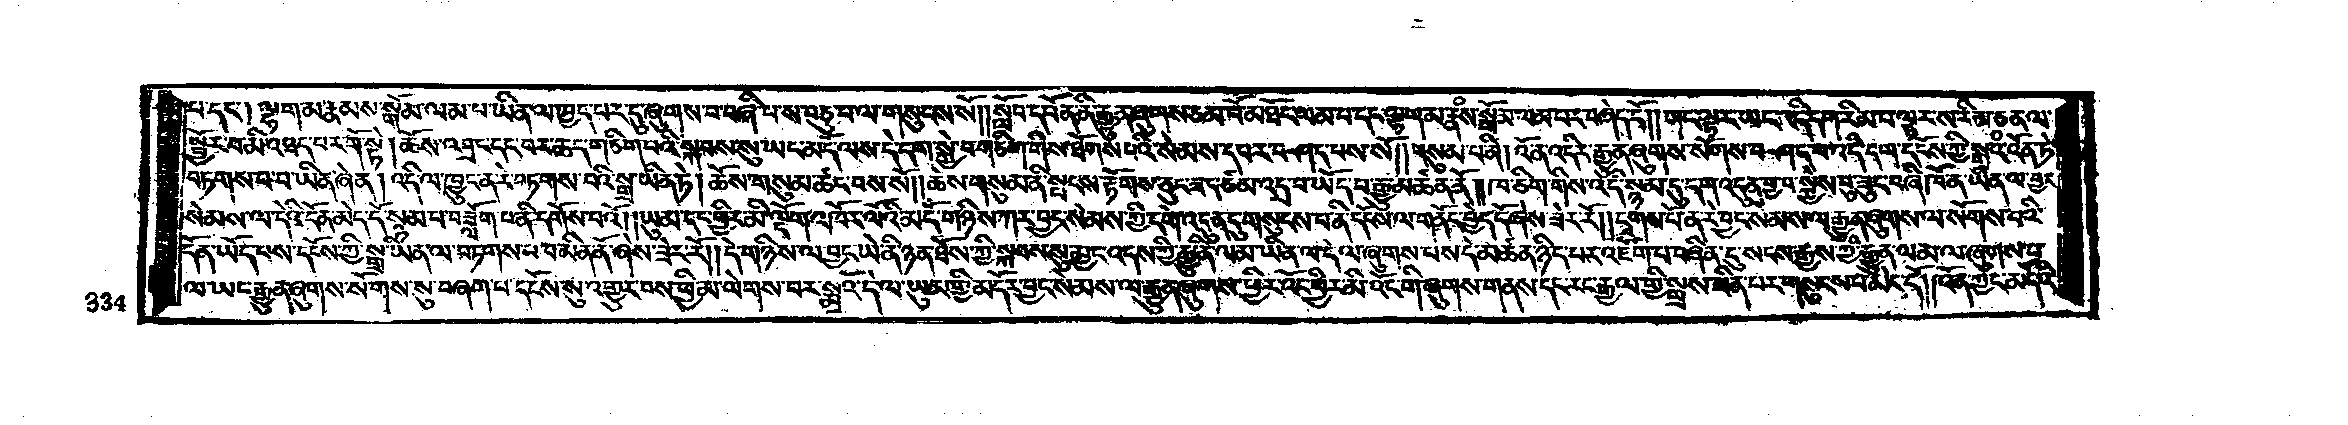པ་དང་། ལྷག་མ་རྣམས་སྒོམ་ལམ་པ་ཡིན་ལ་ཁྱད་པར་དུ་ཞུགས་པ་བཞི་པ་ས་བཅུ་པ་ལ་གསུངས་སོ། །སློབ་དཔོན་ནི་རྒྱུན་ཞུགས་ཙམ་པོ་མཐོང་ལམ་པ་དང་ལྷག་མ་རྣམས་སྒོམ་ལམ་པར་བཞེད་དོ། །གང་ལྟར་ཡང་འདི་དག་རིམ་པ་ལྟར་ས་རིམ་ཅན་ལ་
སྦྱོར་བ་མི་འཐད་པར་གོ་སྟེ། ཆོས་འབྲང་དང་བར་ཆད་གཅིག་པའི་སྐབས་སུ་ཡང་མདོ་ལས་དེ་དག་སྐྱེ་བ་གཅིག་གིས་ཐོགས་པའི་སེམས་དཔར་བཤད་པས་སོ། །གསུམ་པ་ནི། འོ་ན་འདིར་རྒྱུན་ཞུགས་སོགས་བཤད་པ་འདི་དག་དངོས་ཀྱི་སྒྲའཾ་འོན་ཏེ་
བཏགས་པ་བ་ཡིན་ཞེ་ན། འདི་ལ་ཁྱུང་ན་རེ་བཏགས་པའི་སྒྲ་ཡིན་ཏེ། ཆོས་གསུམ་ཚང་བས་སོ། །ཆོས་གསུམ་ནི་སྤངས་རྟོགས་ཅུང་ཟད་ཙམ་འདྲ་བ་ཡོད་པ་རྒྱུ་མཚན་ནོ། །ཁ་ཅིག་གིས་འདི་སྙམ་དུ་དགེ་འདུན་བྱ་བ་སྐྱེས་བུ་ཟུང་བཞི་ཁོ་ན་ཡིན་ལ་བྱང་
སེམས་ལ་དེའི་དོན་མེད་དོ་སྙམ་པ་བཟློག་པ་ནི་དགོས་པའོ། །ཡུམ་དང་ཕྱིར་མི་ལྡོག་འཁོར་ལོའི་མདོ་གཉིས་ཀར་བྱང་སེམས་ཀྱི་དགེ་འདུན་དུ་གསུངས་པ་ནི་དངོས་ལ་གནོད་བྱེད་དོ་ཞེས་ཟེར་རོ། །དྭགས་པོ་ན་རེ་བྱང་སེམས་ལ་རྒྱུན་ཞུགས་ལ་སོགས་པའི་
དོན་ཡོད་པས་དངོས་ཀྱི་སྒྲ་ཡིན་ལ་བཏགས་པ་བ་མིན་ནོ་ཞེས་ཟེར་རོ། །དེ་གཉིས་ལ་བྱང་ཡེ་ནི་ཉན་ཐོས་ཀྱི་སྐབས་སུ་མྱང་འདས་ཀྱི་རྒྱུ་ནི་ལམ་ཡིན་ལ་དེ་ལ་ཞུགས་པས་དེ་མཚན་ཉིད་པར་འཇོག་པ་བཞིན་དུ་སངས་རྒྱས་ཀྱི་རྒྱུན་ལམ་ལ་ཞུགས་པ་
ལ་ཡང་རྒྱུན་ཞུགས་སོགས་སུ་བཞག་པ་དངོས་སུ་འགྱུར་བས་ཕྱི་མ་ལེགས་པར་སྨྲའོ་དེ་ལ་ཡུམ་གྱི་མདོར་བྱང་སེམས་ལ་རྒྱུན་ཞུགས་ཕྱིར་འོང་ཕྱིར་མི་འོང་གི་ཞུགས་གནས་དང་རང་རྒྱལ་གྱི་སྒྲས་ཟིན་པར་གསུངས་པ་མེད་དོ། །འོན་ཀྱང་མདོའི་